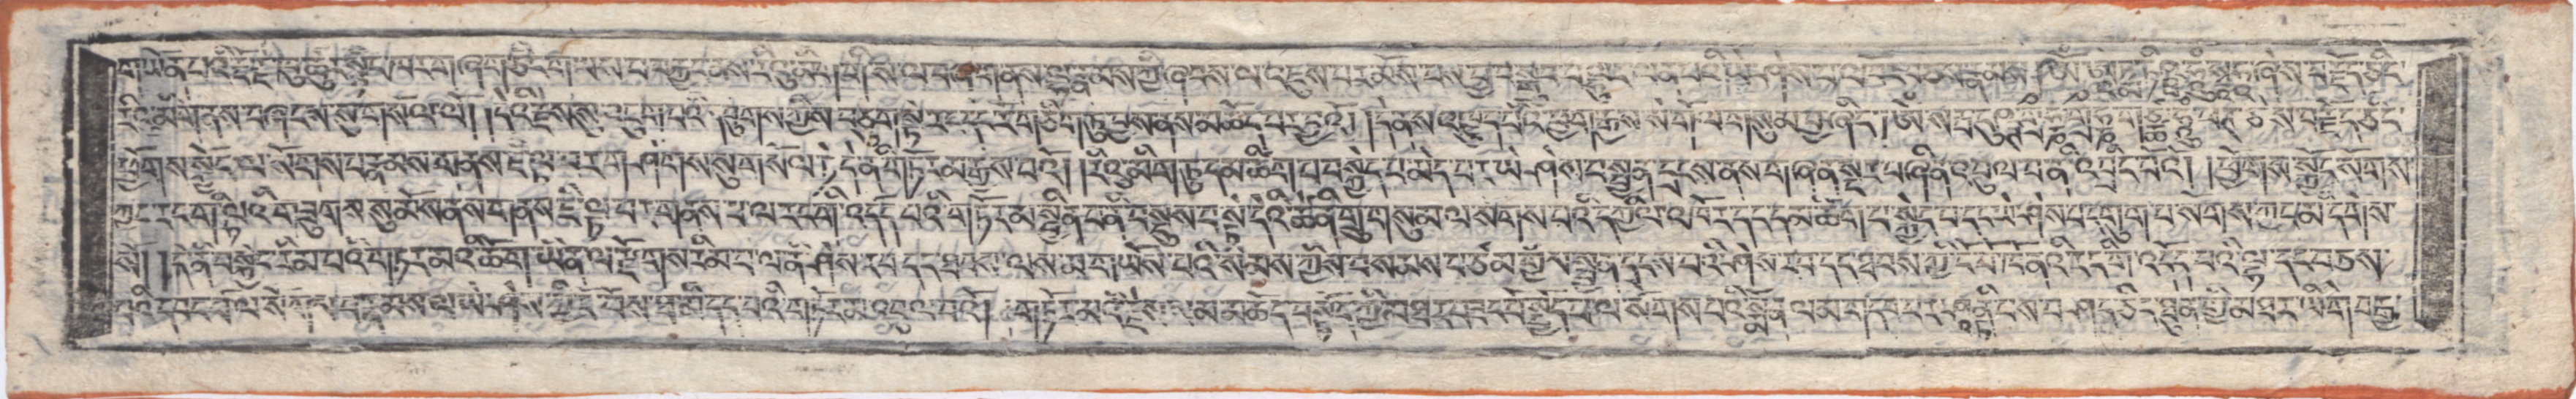གཡོན་པའི་རྡོ་རྗེ་ཁུ་ཚུར་སྙིང་ཁར་གཞག་ཅིང་གཡས་པ་བརྐྱང་ནས་རིའུ་མིག་གི་ས་ལ་བཞག་ནས་ལྷ་རྣམས་ཀྱི་ཞབས་ལ་འཇུས་པར་མོས་པས་བྱ་བ་སྒྲུབ་པ་ལྷུར་ལེན་པའི་ཡེ་ཤེས་པ་འཁོར་བཅས་རྣམས། ཨོཾ་ཨཱཏྨ་ཏིཥཊཿཨ་ཧཱུཾ་སྭཱཧཱ་ཞེས་བརྗོད་ཅིང་
རིའུ་མིག་ནས་བཞངས་སུ་གསོལ་ལོ། །དེའི་རྗེས་སུ་འཇུག་པའི་དབུགས་ཀྱིས་བཅུག་སྟེ་རང་དང་རོ་གཅིག་ཏུ་བྱས་ནས་མཆོད་པར་བྱའོ། །དེ་ནས་འཁྱུད་པའི་ཕྱག་རྒྱས་སེ་གོལ་གསུམ་བྱ་ཞིང་། ཨོཾ་སརྦ་དུཥྚ་གྲྀཧྞ་གྲྀཧྞ་གཙྪ་ཧཱུཾ་ཕཊ་ཅེས་བརྗོད་ཅིང་
ཕྱོགས་སྐྱོང་ལ་སོགས་པ་རྣམས་གནས་ཇི་ལྟ་བར་གཤེགས་སུ་གསོལ་ཏེ་དེ་ནི་གཏོར་མ་རྒྱས་པའོ། །རིའུ་མིག་ཏུ་དམ་ཚིག་པ་བསྐྱེད་པ་མེད་པར་ཡེ་ཤེས་པ་སྤྱན་དྲངས་ནས་གཞན་སྔར་བཞིན་འབུལ་བ་ནི་འབྲིང་པོའོ། །ཕྱོགས་སྐྱོང་སོགས་
ཀྱང་རང་གི་ལྷའི་གཟུགས་སུ་མོས་ནས་གནས་ཇི་ལྟ་བར་གནས་པ་ལ་རང་གི་འདོད་པའི་གཏོར་མ་སྦྱིན་པ་ནི་བསྡུས་པ་སྟེ་དེའི་ཚེ་ནི་གྲུ་གསུམ་ལ་སོགས་པའི་དཀྱིལ་འཁོར་དང་དམ་ཚིག་པ་སྐྱེད་པ་དང་ཡེ་ཤེས་པ་དགུག་པ་སོགས་ཀྱང་མི་དགོས་
སོ། །དེ་ནི་བསྐྱེད་རིམ་པའི་གཏོར་མའི་ཆོ་ག་ཡིན་ལ་རྫོགས་རིམ་པ་ལ་ནི་ཤེས་རབ་དང་ཐབས་ལས་མ་གཡོས་པའི་སེམས་ཀྱིས་བསམས་པ་ཙམ་གྱིས་སྤྱན་དྲངས་པའི་ཤེས་རབ་དང་ཐབས་ཀྱི་ངོ་བོ་ཁོ་ནའི་རང་གི་འདོད་པའི་ལྷ་དང་བཅས་
པའི་དབང་པོ་ལ་སོགས་པ་རྣམས་ལ་ཡེ་ཤེས་ཀྱི་ངོ་བོས་ཐ་མི་དད་པའི་གཏོར་མ་འབུལ་བའོ། །གཏོར་མའི་རྗེས་སུམ་?་མཆོད་བསྟོད་ཀྱི་མཐར་བཟང་པོ་སྤྱོད་པ་ལ་སོགས་པའི་སྨོན་ལམ་གདབ་པར་ཤཱནྟི་པས་བཤད་ཅིང་ཐུན་གྱི་མཐར་ཡི་གེ་བརྒྱ་